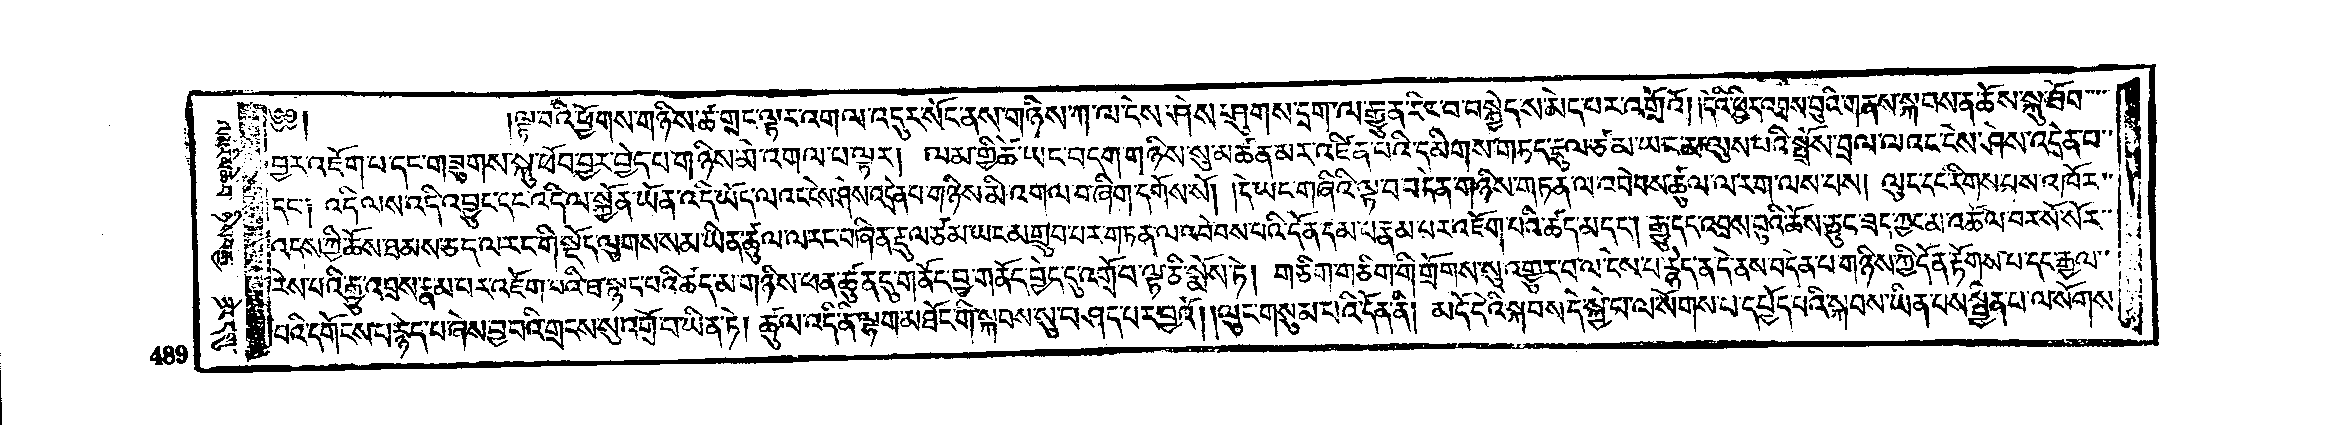༄༅། །ལྟ་བའི་ཕྱོགས་གཉིས་ཚ་གྲང་ལྟར་འགལ་འདུར་སོང་ནས་གཉིས་ཀ་ལ་ངེས་ཤེས་ཤུགས་དྲག་ལ་རྒྱུན་རིང་བ་བསྐྱེད་ས་མེད་པར་འགྲོའོ། །དེའི་ཕྱིར་འབྲས་བུའི་གནས་སྐབས་ན་ཆོས་སྐུ་ཐོབ་
བྱར་འཇོག་པ་དང་གཟུགས་སྐུ་ཐོབ་བྱར་བྱེད་པ་གཉིས་མི་འགལ་བ་ལྟར། ལམ་གྱི་ཚེ་ཡང་བདག་གཉིས་སུ་མཚན་མར་འཛིན་པའི་དམིགས་གཏད་རྡུལ་ཙམ་ཡང་མ་ལུས་པའི་སྤྲོས་བྲལ་ལའང་ངེས་ཤེས་འདྲེན་པ་
དང༑ འདི་ལས་འདི་འབྱུང་དང་འདི་ལ་སྐྱོན་ཡོན་འདི་ཡོད་ལའང་ངེས་ཤེས་འདྲེན་པ་གཉིས་མི་འགལ་བ་ཞིག་དགོས་སོ། །དེ་ཡང་གཞིའི་ལྟ་བ་བདེན་གཉིས་གཏན་ལ་འབེབས་ཚུལ་ལ་རག་ལས་པས། ལུང་དང་རིགས་པས་འཁོར་
འདས་ཀྱི་ཆོས་ཐམས་ཅད་ལ་རང་གི་སྡོད་ལུགས་སམ་ཡིན་ཚུལ་ལ་རང་བཞིན་རྡུལ་ཙམ་ཡང་མ་གྲུབ་པར་གཏན་ལ་འབེབས་པའི་དོན་དམ་པ་རྣམ་པར་འཇོག་པའི་ཚད་མ་དང་། རྒྱུ་དང་འབྲས་བུའི་ཆོས་ཅུང་ཟད་ཀྱང་མ་འཆོལ་བར་སོ་སོར་
ངེས་པའི་རྒྱུ་འབྲས་རྣམ་པར་འཇོག་པའི་ཐ་སྙད་པའི་ཚད་མ་གཉིས་ཕན་ཚུན་དུ་གནོད་བྱ་གནོད་བྱེད་དུ་འགྲོ་བ་ལྟ་ཅི་སྨོས་ཏེ། གཅིག་གཅིག་གི་གྲོགས་སུ་འགྱུར་བ་ལ་ངེས་པ་རྙེད་ན་དེ་ནས་བདེན་པ་གཉིས་ཀྱི་དོན་རྟོགས་པ་དང་རྒྱལ་
བའི་དགོངས་པ་རྙེད་པ་ཞེས་བྱ་བའི་གྲངས་སུ་འགྲོ་བ་ཡིན་ཏེ། ཚུལ་འདི་ནི་ལྷག་མཐོང་གི་སྐབས་སུ་བཤད་པར་བྱའོ། །ལུང་གསུམ་པའི་དོན་ནི། མདོ་དེའི་སྐབས་དེ་སྐྱེ་བ་ལ་སོགས་པ་དཔྱོད་པའི་སྐབས་ཡིན་པས་སྦྱིན་པ་ལ་སོགས་